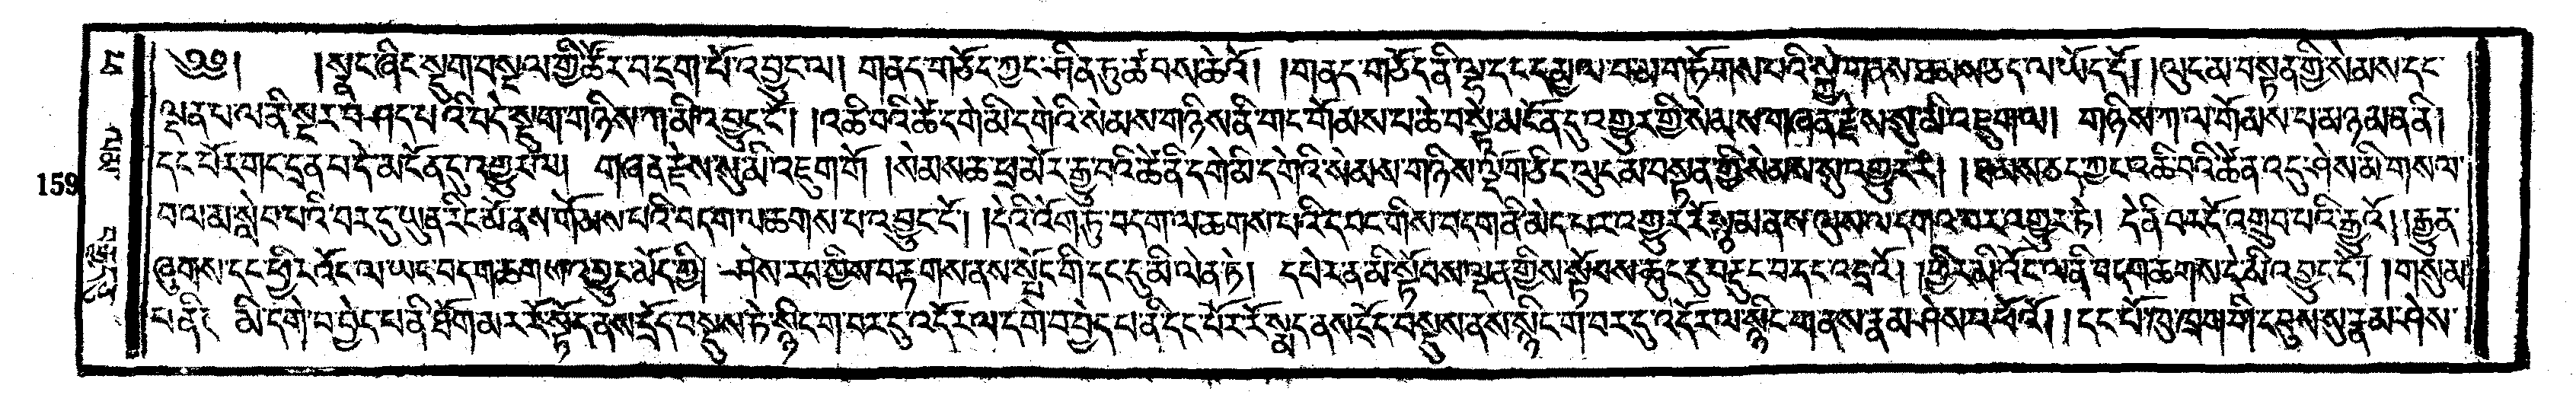༄༅། །སྣང་ཞིང་སྡུག་བསྔལ་གྱི་ཚོར་བ་དྲག་པོ་འབྱུང་ལ། གནད་གཅོང་ཀྱང་ཤིན་ཏུ་ཚབས་ཆེའོ། །གནད་གཅོད་ནི་ལྷ་དང་དམྱལ་བ་མ་གཏོགས་པའི་སྐྱེ་གནས་ཐམས་ཅད་ལ་ཡོད་དོ། །ལུང་མ་བསྟན་གྱི་སེམས་དང་
ལྡན་པ་ལ་ནི་སྔར་བཤད་པའི་བདེ་སྡུག་གཉིས་ཀ་མི་འབྱུང་ངོ །འཚི་བའི་ཚེ་དགེ་མི་དགེའི་སེམས་གཉིས་ནི་གང་གོམས་པ་ཆེ་བསྟེ་མངོན་དུ་འགྱུར་གྱི་སེམས་གཞན་རྗེས་སུ་མི་འཇུག་ལ། གཉིས་ཀ་ལ་གོམས་པ་མཉམ་ན་ནི།
དང་པོར་གང་དྲན་པ་དེ་མངོན་དུ་འགྱུར་ལ། གཞན་རྗེས་སུ་མི་འཇུག་གོ། །སེམས་ཆ་ཕྲ་མོར་རྒྱུ་བའི་ཚེ་ནི་དགེ་མི་དགེའི་སེམས་གཉིས་ལྡོག་ཅིང་ལུང་མ་བསྟན་གྱི་སེམས་སུ་འགྱུར་རོ། །ཐམས་ཅད་ཀྱང་འཆི་བའི་ཚེན་འདུ་ཤེས་མི་གསལ་
བ་ལ་མ་སླེབ་པའི་བར་དུ་ཡུན་རིང་མོ་ནས་གོམས་པའི་བདག་ལ་ཆགས་པ་འབྱུང་ངོ། །དེའི་འོག་ཏུ་བདག་ལ་ཆགས་པའི་དབང་གིས་བདག་ནི་མེད་པར་འགྱུར་རོ་སྙམ་ནས་ལུས་ལ་དགའ་བར་འགྱུར་ཏེ། དེ་ནི་བར་དོ་འགྲུབ་པའི་རྒྱུའོ། །རྒྱུན་
ཞུགས་དང་ཕྱིར་འོང་ལ་ཡང་བདག་ཆགས་འབྱུང་མོད་གྱི། ཤེས་རབ་ཀྱིས་བརྟགས་ནས་སྤོང་གི་དང་དུ་མི་ལེན་ཏེ། དཔེར་ན་མི་སྟོབས་ལྡན་གྱིས་སྟོབས་ཆུང་དུ་བརྡུང་བ་དང་འདྲའོ། །ཕྱིར་མི་འོང་ལ་ནི་བདག་ཆགས་དེ་མི་འབྱུང་ངོ། །གསུམ་
པ་ནི༑ མི་དགེ་བ་བྱེད་པ་ནི་ཐོག་མར་རོ་སྟོད་ནས་དྲོད་བསྡུས་ཏེ་སྙིང་ག་བར་དུ་འདོར་ལ་དགེ་བ་བྱེད་པ་ནི་དང་པོར་རོ་སྨད་ནས་དྲོད་བསྡུས་ནས་སྙིང་ག་བར་དུ་འདོར་ལ་སྙིང་གནས་རྣམ་ཤེས་འཕོའོ། །དང་པོ་ཁུ་ཁྲག་གི་དབུས་སུ་རྣམ་ཤེས་